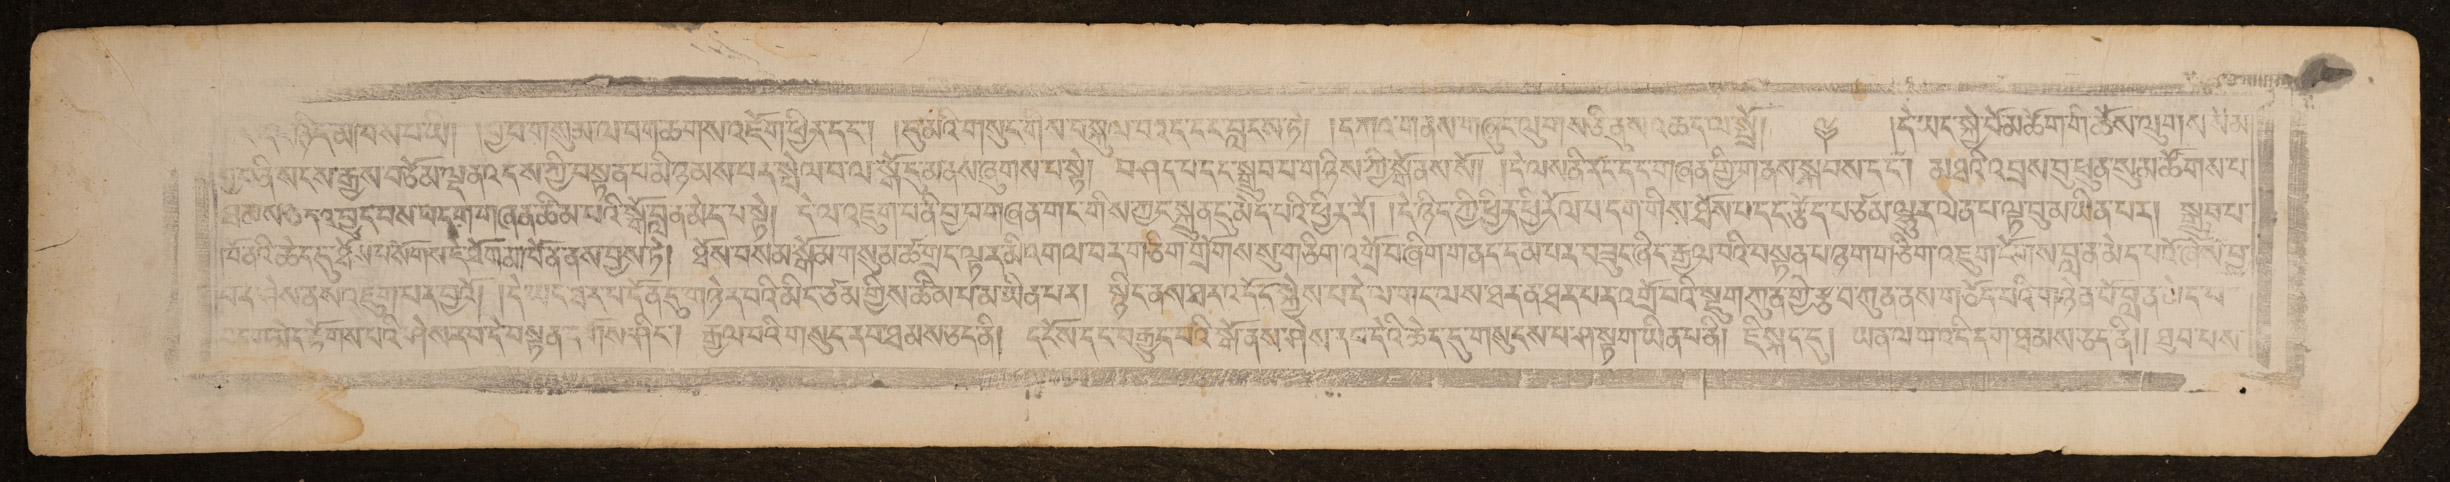ཡང་རང་ཉིད་མཁས་པ་ཡི། །བྱ་བ་གསུམ་ལ་བག་ཆགས་འཇོག་ཕྱིར་དང་། །དུ་མའི་གསུང་གིས་བསྐུལ་བའང་དང་བླངས་ཏེ། །དཀའ་གནས་གཞུང་ལུགས་ཅི་ནུས་འཆད་ལ་སྤྲོ། ༈ །དེ་ཡང་སྐྱེ་བོ་མཆོག་གི་ཆོས་ལུགས་སམ་
བྱ་བ་ནི་སངས་རྒྱས་བཅོམ་ལྡན་འདས་ཀྱི་བསྟན་པ་མི་ཉམས་པར་སྤེལ་བ་ལ་སྒོ་དུ་མ་ནས་ཞུགས་པ་སྟེ། བཤད་པ་དང་སྒྲུབ་པ་གཉིས་ཀྱི་སྒོ་ནས་སོ། །དེ་ལས་ནི་རང་དང་གཞན་གྱི་གནས་སྐབས་དང་། མཐའི་འབྲས་བུ་ཕུན་སུམ་ཚོགས་པ་
ཐམས་ཅད་འབྱུང་བས་བདག་གཞན་ཚིམ་པའི་སྒོ་བླ་ན་མེད་པ་སྟེ། དེ་ལ་འཇུག་པ་ནི་བྱ་བ་གཞན་གང་གིས་ཀྱང་སྒྲུན་དུ་མེད་པའི་ཕྱིར་རོ། །དེ་ཉིད་ཀྱི་ཕྱིར་ཕྱི་རོལ་པ་དག་གིས་ཐོས་པ་དང་རྩོད་པ་ཙམ་ལྷུར་ལེན་པ་ལྟ་བུ་མ་ཡིན་པར། སྒྲུབ་པ་
ཁོ་ནའི་ཆེད་དུ་ཐོས་པ་སོགས་ཇེ་ཐོག་མཁོ་ན་ནས་བྱས་ཏེ། ཐོས་བསམ་སྒོམ་གསུམ་ཚ་གྲང་ལྟར་མི་འགལ་བར་གཅིག་གྲོགས་སུ་གཅིག་འགྲོ་བ་ཞིག་གནད་དམ་པར་བཟུང་ཞིང་རྒྱལ་བའི་བསྟན་པ་ཉག་གཅིག་འཇུག་ངོགས་བླ་ན་མེད་པའོ་ཞེས་བྱ་
བར་ཤེས་ནས་འཇུག་པར་བྱའོ། །དེ་ཡང་ཐར་པ་དོན་དུ་གཉེར་བའི་མིང་ཙམ་གྱིས་ཚིམ་པ་མ་ཡིན་པར། སྙིང་ནས་ཐར་འདོད་སྐྱེས་པ་དེ་ལ་གང་ལས་ཐར་ན་ཐར་པར་འགྲོ་བའི་སྡུག་ཀུན་གྱི་རྩ་བ་ཀུན་ནས་གཅོད་པའི་གཉེན་པོ་བླ་ན་མེད་པ་
བདག་མེད་རྟོགས་པའི་ཤེས་རབ་དེ་བསྟན་དགོས་ཤིང་། རྒྱལ་བའི་གསུང་རབ་ཐམས་ཅད་ནི། དངོས་དང་བརྒྱུད་པའི་སྒོ་ནས་ཤེས་རབ་དེའི་ཆེད་དུ་གསུངས་པ་ཤ་སྟག་ཡིན་པ་ནི། ཇི་སྐད་དུ། ཡན་ལག་འདི་དག་ཐམས་ཅད་ནི། །ཐུབ་པས་